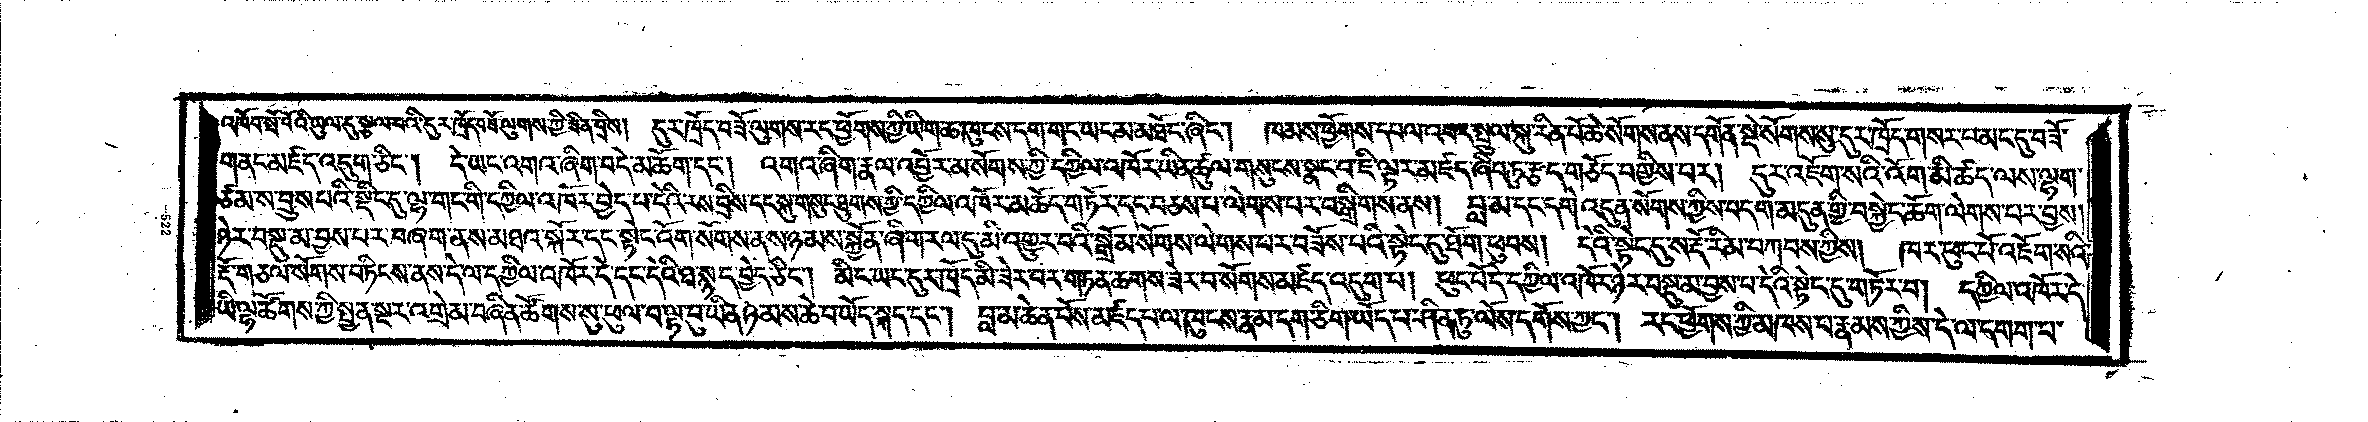འཁོབ་སྤོ་བོའི་ཡུལ་དུ་སྩལ་བའི་དུར་ཁྲོད་བཟོ་ལུགས་ཀྱི་ཟིན་བྲིས། དུར་ཁྲོད་བཟོ་ལུགས་རང་ཕྱོགས་ཀྱི་ཡིག་ཆ་ཁུངས་དག་གང་ཡང་མ་མཐོང་ཞིང་། ཁམས་ཕྱོགས་དཔལ་འབར་སྤྲུལ་སྐུ་རིན་པོ་ཆེ་སོགས་ནས་དགོན་སྡེ་སོགས་སུ་དུར་ཁྲོད་གསར་པ་མང་དུ་བཟོ་
གནང་མཛད་འདུག་ཅིང་། དེ་ཡང་འགའ་ཞིག་བདེ་མཆོག་དང་། འགའ་ཞིག་རྣལ་འབྱོར་མ་སོགས་ཀྱི་དཀྱིལ་འཁོར་ཡིན་ཚུལ་གསུངས་སྣང་བ་ཇི་ལྟར་མཛད་ཞིབ་ཏུ་རྩད་གཅོད་བགྱིས་པར། དུར་འཇོག་སའི་འོག་མི་ཚད་ལས་ལྷག་
ཙམ་ས་བྲུས་པའི་སྡིང་དུ་ལྷ་གང་གི་དཀྱིལ་འཁོར་དུ་བྱེད་པ་དེའི་རས་བྲིས་དང་སྐུ་གསུང་ཐུགས་ཀྱི་དཀྱིལ་འཁོར་མཆོད་གཏོར་དང་བཅས་པ་ལེགས་པར་བསྒྲིགས་ནས། བླ་མ་དང་དགེ་འདུན་སོགས་ཀྱིས་བདག་མདུན་གྱི་བསྐྱེད་ཆོག་ལེགས་པར་བྱས།
ཉེར་བསྡུ་མ་བྱས་པར་བཞག་ནས་མཐའ་སྐོར་དང་སྟེང་འོག་སོགས་ནས་ཉམས་སྐྱོན་ཞིག་རལ་དུ་མི་འགྱུར་བའི་སྒྲོམ་སོགས་ལེགས་པར་བཟོས་པའི་སྟེང་དུ་ཐོག་ཕུབས། དེའི་སྟེང་དུ་ས་རྡོ་རིམ་བཀབས་ཀྱིས། ཁར་ཕུང་པོ་འཇོག་སའི་
རྡོ་གཅལ་སོགས་བཏིངས་ནས་དེ་ལ་དཀྱིལ་འཁོར་དེ་དང་དེའི་ཐ་སྙད་བྱེད་ཅིང་། མིང་ཡང་དུར་ཁྲོད་མི་ཟེར་བར་གཏན་ཆགས་ཟེར་བ་སོགས་མཛད་འདུག་པ། ཕུང་པོ་དེ་དཀྱིལ་འཁོར་ཉེར་བསྡུ་མ་བྱས་པ་དེའི་སྟེང་དུ་གཏོར་བ། དཀྱིལ་འཁོར་དེ་
ཡི་ལྷ་ཚོགས་ཀྱི་སྤྱན་སྔར་འགྲེམ་བཞིན་ཚོགས་སུ་ཕུལ་བ་ལྟ་བུ་ཡིན་ཉམས་ཆེ་བ་ཡོད་སྐད་དང་། བླ་མ་ཆེན་པོས་མཛད་པ་ལ་ཁུངས་རྣམ་དག་ཅིག་ཡོད་པ་ཤིན་ཏུ་ལོས་དགོས་ཀྱང་། རང་ཕྱོགས་ཀྱི་མཁས་པ་རྣམས་ཀྱིས་དེ་ལ་དགག་པ་